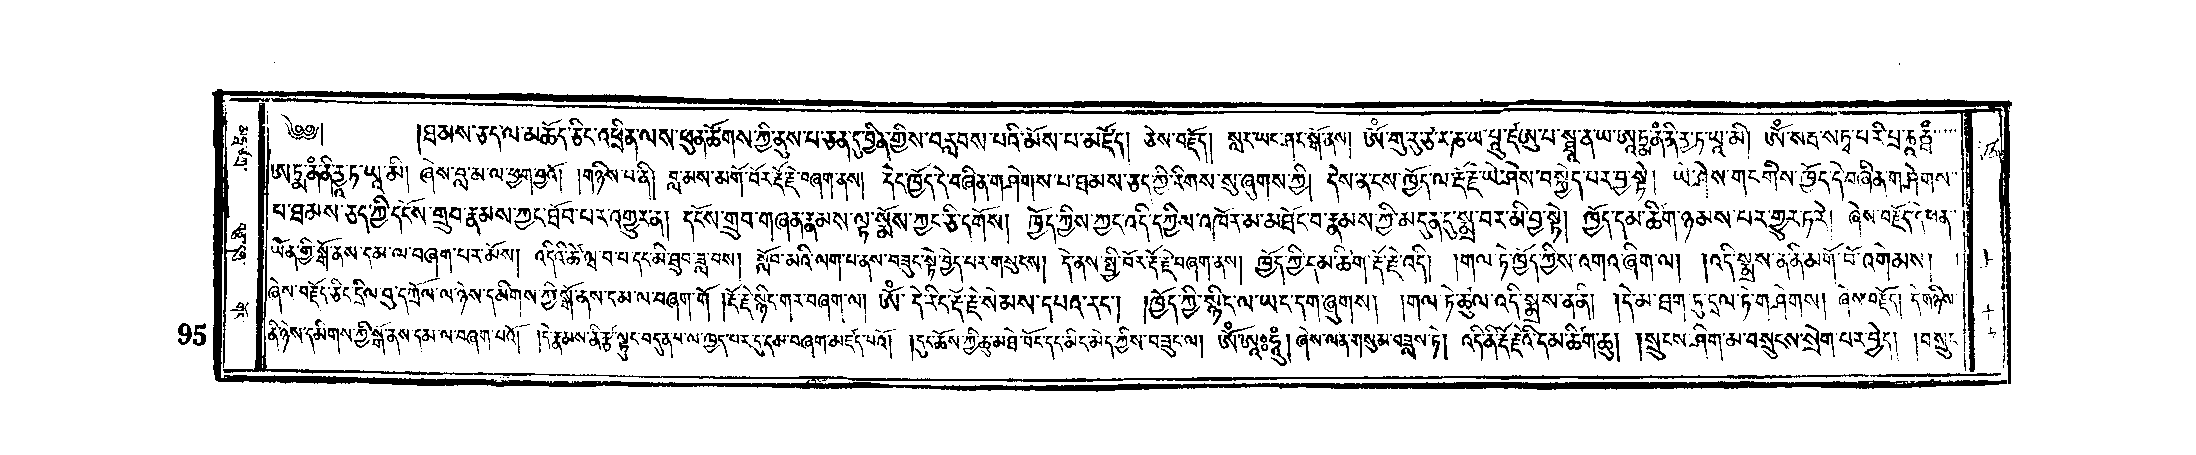༄༅། །ཐམས་ཅད་ལ་མཆོད་ཅིང་འཕྲིན་ལས་ཕུན་ཚོགས་ཀྱི་ནུས་པ་ཅན་དུ་བྱིན་གྱིས་བརླབས་པའི་མོས་པ་མཛོད། ཅེས་བརྗོད། སླར་ཡང་ཤར་སྒོ་ནས། ཨོཾ་གུ་རུ་ཙ་ར་ཎ་ཡ་པཱུ་ཛ་ཨུ་པ་སྠཱ་ན་ཡ་ཨཱཏྨ་ནཾ་ནིརྱ་ཏ་ཡཱ་མི། ཨོཾ་སརྦ་སྟྭ་པ་རི་པྲ་ཎཱ་རྠཾ་
ཨཏྨ་ནཾ་ནིརྱཱ་ཏ་ཡཱ་མི། ཞེས་བླ་མ་ལ་ཕྱག་བྱའོ། །གཉིས་པ་ནི། བླ་མས་མགོ་བོར་རྡོ་རྗེ་བཞག་ནས། དེང་ཁྱོད་དེ་བཞིན་གཤེགས་པ་ཐམས་ཅད་ཀྱི་རིགས་སུ་ཞུགས་ཀྱི། དེས་ན་ངས་ཁྱོད་ལ་རྡོ་རྗེ་ཡེ་ཤེས་བསྐྱེད་པར་བྱ་སྟེ། ཡེ་ཤེས་གང་གིས་ཁྱོད་དེ་བཞིན་གཤེགས་
པ་ཐམས་ཅད་ཀྱི་དངོས་གྲུབ་རྣམས་ཀྱང་ཐོབ་པར་འགྱུར་ན། དངོས་གྲུབ་གཞན་རྣམས་ལྟ་སྨོས་ཀྱང་ཅི་དགོས། ཁྱོད་ཀྱིས་ཀྱང་འདི་དཀྱིལ་འཁོར་མ་མཐོང་བ་རྣམས་ཀྱི་མདུན་དུ་སྨྲ་བར་མི་བྱ་སྟེ། ཁྱོད་དམ་ཚིག་ཉམས་པར་གྱུར་ཏ་རེ། ཞེས་བརྗོད་དེ་ཕན་
ཡོན་གྱི་སྒོ་ནས་དམ་ལ་བཞག་པར་མོས། འདིའི་ཚེ་ཝ་བ་པ་དང་མི་ཐུབ་ཟླ་བས། སློབ་མའི་ལག་པ་ནས་བཟུང་སྟེ་བྱེད་པར་གསུངས། དེ་ནས་སྤྱི་བོར་རྡོ་རྗེ་བཞག་ནས། ཁྱོད་ཀྱི་དམ་ཚིག་རྡོ་རྗེ་འདི། །གལ་ཏེ་ཁྱོད་ཀྱིས་འགའ་ཞིག་ལ། །འདི་སྨྲས་ན་ནི་མགོ་བོ་འགེམས།
ཞེས་བརྗོད་ཅིང་དྲིལ་བུ་དཀྲོལ་ལ་ཉེས་དམིགས་ཀྱི་སྒོ་ནས་ངམ་ལ་བཞག་གོ །རྡོ་རྗེ་སྙིང་གར་བཞག་ལ། ཨོཾ་དེ་རིང་རྡོ་རྗེ་སེམས་དཔའ་རང་། །ཁྱོད་ཀྱི་སྙིང་ལ་ཡང་དག་ཞུགས། །གལ་ཏེ་ཚུལ་འདི་སྨྲས་ན་ནི། །དེ་མ་ཐག་ཏུ་དྲལ་ཏེ་གཤེགས། ཞེས་བརྗོད། དེ་གཉིས་
ནི་ཉེས་དམིགས་ཀྱི་སྒོ་ནས་དམ་ལ་བཞག་པའོ། །དེ་རྣམས་ནི་རྩ་ལྟུང་བདུན་པ་ལ་ཁྱད་པར་དུ་དམ་བཞག་མཛད་པའོ། །དུང་ཆོས་ཀྱི་ཆུ་མཐེ་བོང་དང་མིང་མེད་ཀྱིས་བཟུང་ལ། ཨོཾ་ཨཱཿ ཧཱུཾ། ཞེས་ལན་གསུམ་བཟླས་ཏེ། འདི་ནི་རྡོ་རྗེའི་དམ་ཚིག་ཆུ། །སྲུངས་ཤིག་མ་བསྲུངས་སྲེག་པར་བྱེད། །བསྲུང་